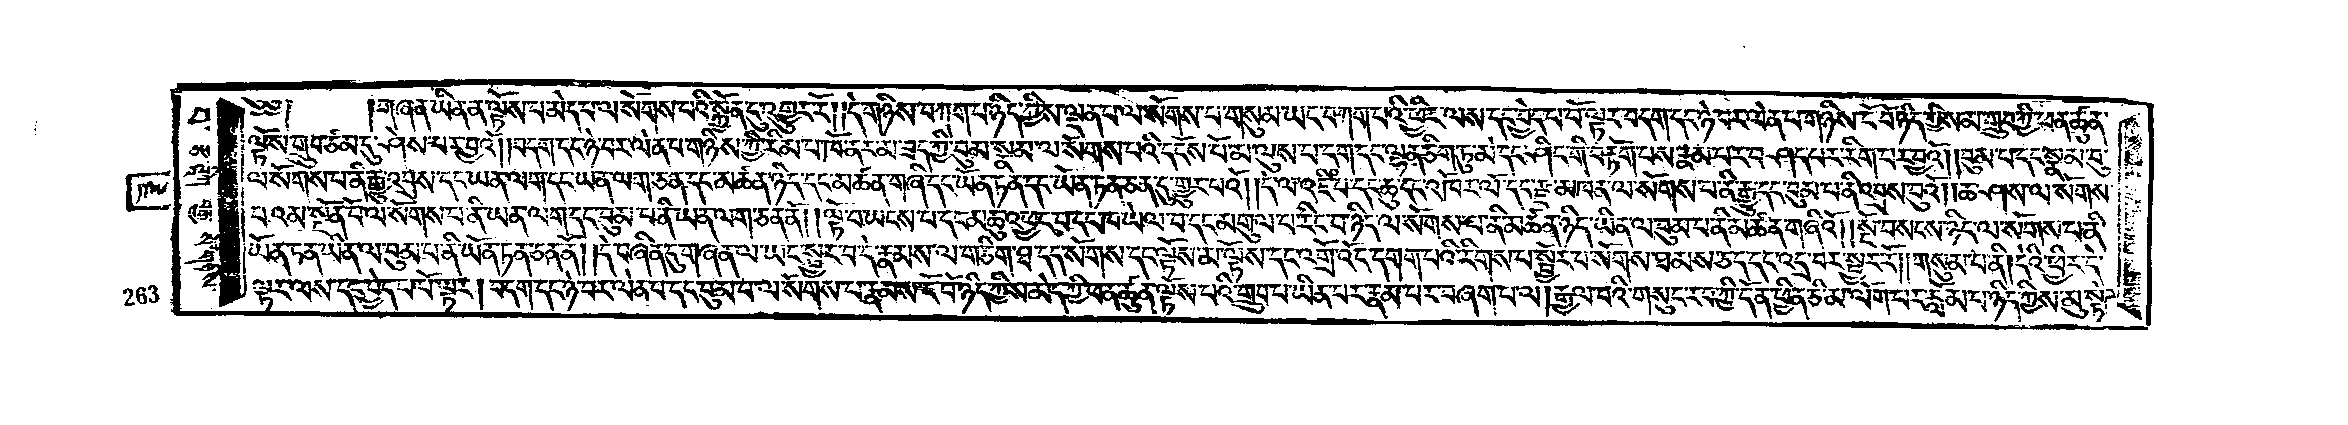༄༅། །གཞན་ཡིན་ན་ལྟོས་པ་མེད་པ་ལ་སོགས་པའི་སྐྱོན་དུ་འགྱུར་རོ། །དེ་གཉིས་བཀག་པ་ཉིད་ཀྱིས་ལྡན་པ་ལ་སོགས་པ་གསུམ་ཡང་བཀག་པའི་ཕྱིར་ལས་དང་བྱེད་པ་པོ་ལྟར་བདག་དང་ཉེ་བར་ལེན་པ་གཉིས་ངོ་བོ་ཉིད་ཀྱིས་མ་གྲུབ་ཀྱི་ཕན་ཚུན་
ལྟོས་གྲུབ་ཙམ་དུ་ཤེས་པར་བྱའོ། །བདག་དང་ཉེ་བར་ལེན་པ་གཉིས་ཀྱི་རིམ་པ་ཁོ་ནར་མ་ཟད་ཀྱི་བུམ་སྣམ་ལ་སོགས་པའི་དངོས་པོ་མ་ལུས་པ་དག་དང་ལྷན་ཅིག་ཏུ་མེད་དང་ཤིང་གི་བརྟག་པས་རྣམ་པར་བཤད་པར་རིག་པར་བྱའོ། །བུམ་པ་དང་སྣམ་བུ་
ལ་སོགས་པ་ནི་རྒྱུ་འབྲས་དང་ཡན་ལག་དང་ཡན་ལག་ཅན་དང་མཚན་ཉིད་དང་མཚན་གཞི་དང་ཡོན་ཏན་དང་ཡོན་ཏན་ཅན་དུ་གྱུར་པའོ། །དེ་ལ་འཛིཾ་པ་དང་ཆུ་དང་འཁོར་ལོ་རྫ་མཁྱེན་ལ་སོགས་པ་ནི་རྒྱུ་དང་བུམ་པ་ནི་འབྲས་བུའོ། །ཆ་ཤས་ལ་སོགས་
པའམ་སྔོན་པོ་ལ་སོགས་པ་ནི་ཡན་ལག་དང་བུམ་པ་ནི་ཡན་ལག་ཅན་ནོ། །ལྟོ་བ་ཡངས་པ་དང་མཆུ་འཕྱང་བ་དང་ཁ་ཡེལ་བ་དང་མགུལ་བ་རིང་བ་ཉིད་ལ་སོགས་པ་ནི་མཚན་ཉིད་ཡིན་ལ་བུམ་པ་ནི་མཚན་གཞིའོ། །སྔོ་བསངས་ཉིད་ལ་སོགས་པ་ནི་
ཡོན་ཏན་ཡིན་ལ་བུམ་པ་ནི་ཡོན་ཏན་ཅན་ནོ། །དེ་བཞིན་དུ་གཞན་ལ་ཡང་སྦྱར་བ་དེ་རྣམས་ལ་གཅིག་ཐ་དད་སོགས་དང་ལྟོས་མ་ལྟོས་དང་འགྲོ་འོང་དགག་པའི་རིགས་པ་སྦྱོར་བ་སོགས་ཐམས་ཅད་དང་འདྲ་བར་སྦྱར་རོ། །གསུམ་པ་ནི། དེའི་ཕྱིར་དེ་
ལྟར་ལས་དང་བྱེད་པ་པོ་ལྟར། བདག་དང་ཉེ་བར་ལེན་པ་དང་བུམ་པ་ལ་སོགས་པ་རྣམས་ངོ་བོ་ཉིད་ཀྱིས་མེད་ཀྱི་ཕན་ཚུན་ལྟོས་པའི་གྲུབ་པ་ཡིན་པར་རྣམ་པར་བཞག་པ་ལ། རྒྱལ་བའི་གསུང་རབ་ཀྱི་དོན་ཕྱིན་ཅི་མ་ལོག་པར་རློམ་པ་ཉིད་ཀྱིས་མུ་སྟེཌ་